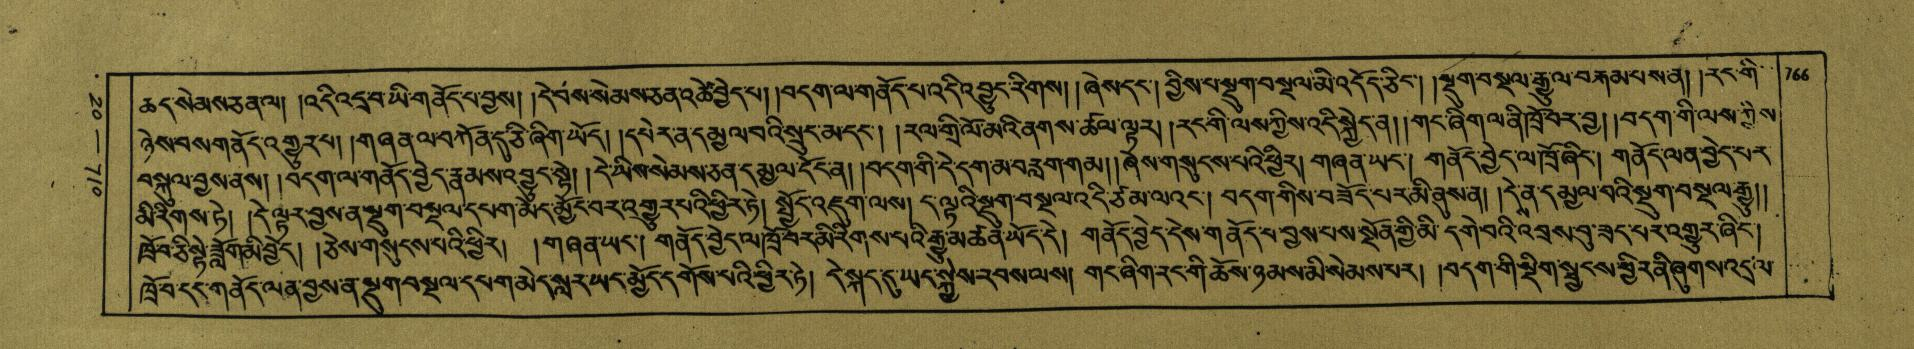ཆད་སེམས་ཅན་ལ། །འདི་འདྲ་བ་ཡི་གནོད་པ་བྱས། །དེ་བས་སེམས་ཅན་འཚེ་བྱེད་པ། །བདག་ལ་གནོད་པ་འདི་འབྱུང་རིགས། །ཞེས་དང་། བྱིས་པ་སྡུག་བསྔལ་མི་འདོད་ཅིང་། །སྡུག་བསྔལ་རྒྱུ་ལ་བརྐམ་པས་ན། །རང་གི་
ཉེས་བས་གནོད་འགྱུར་པ། །གཞན་ལ་བཀོན་དུ་ཅི་ཞིག་ཡོད། །དཔེར་ན་དམྱལ་བའི་སྲུང་མ་དང་། །རལ་གྲི་ལོ་མའི་ནགས་ཚལ་ལྟར། །རང་གི་ལས་ཀྱིས་འདི་སྐྱེད་ན། །གང་ཞིག་ལ་ནི་ཁྲོ་བར་བྱ། །བདག་གི་ལས་ཀྱིས་
བསྐུལ་བྱས་ནས། །བདག་ལ་གནོད་བྱེད་རྣམས་འབྱུང་སྟེ། །དེ་ཡིས་སེམས་ཅན་དམྱལ་དོང་ན། །བདག་གི་དེ་དག་མ་བརླག་གམ། །ཞེས་གསུངས་པའི་ཕྱིར། གཞན་ཡང་། གནོད་བྱེད་ལ་ཁྲོ་ཞིང་། གནོད་ལན་བྱེད་པར་
མི་རིགས་ཏེ། །དེ་ལྟར་བྱས་ན་སྡུག་བསྔལ་དཔག་མེད་མྱོང་བར་འགྱུར་པའི་ཕྱིར་ཏེ། སྤྱོད་འཇུག་ལས། ད་ལྟའི་སྡུག་བསྔལ་འདི་ཙམ་ལའང་། བདག་གིས་བཟོད་པར་མི་ནུས་ན། །དེས་ན་དམྱལ་བའི་སྡུག་བསྔལ་རྒྱུ།།
ཁྲོ་བ་ཅི་སྟེ་ཟློག་མི་བྱེད། །ཅེས་གསུངས་པའི་ཕྱིར། །གཞན་ཡང་། གནོད་བྱེད་ལ་ཁྲོ་བར་མི་རིགས་པའི་རྒྱུ་མཚན་ཡོད་དེ། གནོད་བྱེད་དེས་གནོད་པ་བྱས་པས་སྔོན་གྱི་མི་དགེ་བའི་འབྲས་བུ་ཟད་པར་འགྱུར་ཞིང་།
ཁྲོ་བ་དང་གནོད་ལན་བྱས་ན་སྡུག་བསྔལ་དཔག་མེད་སླར་ཡང་མྱོང་དགོས་པའི་ཕྱིར་ཏེ། དེ་སྐད་དུ་ཡང་སྐྱེས་རབས་ལས། གང་ཞིག་རང་གི་ཆོས་ཉམས་མི་སེམས་པར། །བདག་གི་སྡིག་སྦྱངས་ཕྱིར་ནི་ཞུགས་འདྲལ་